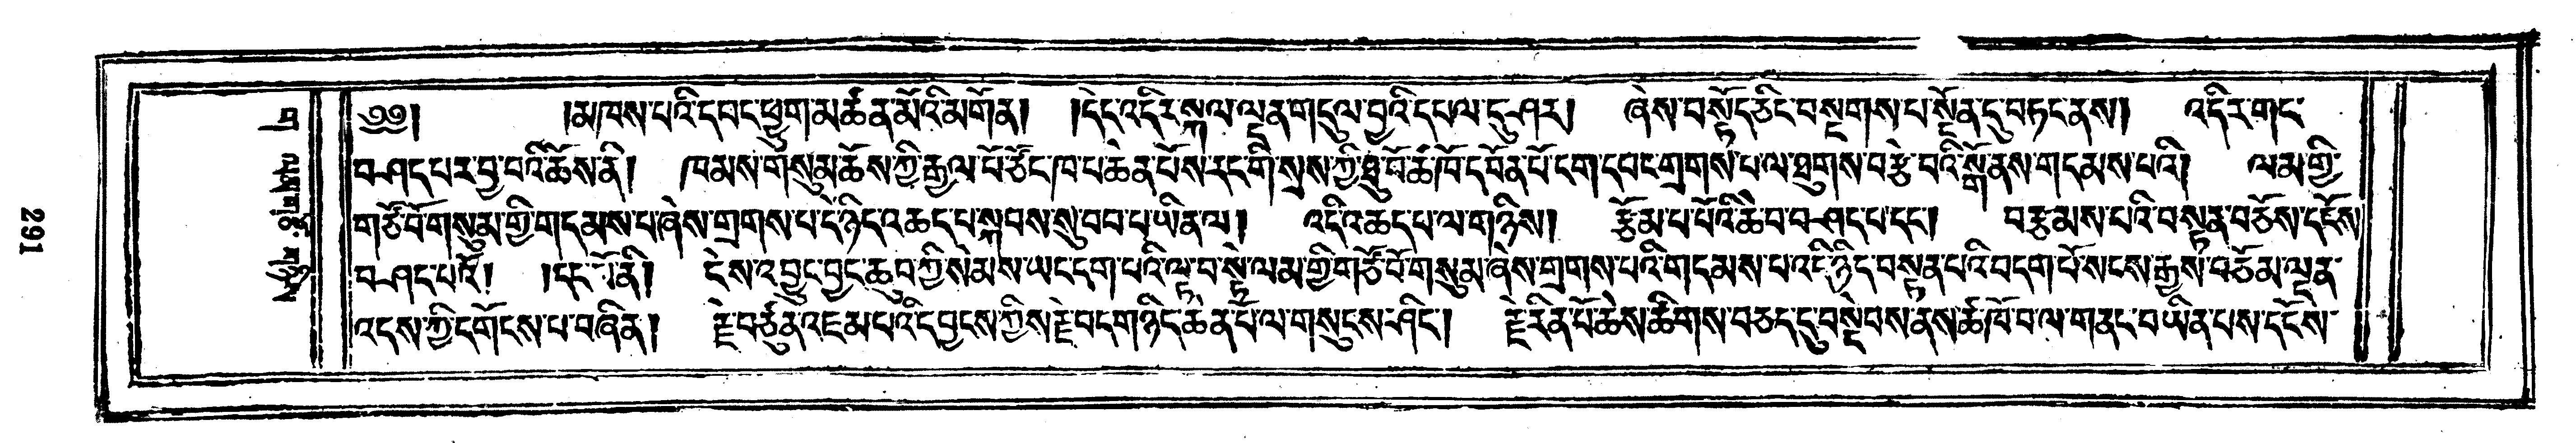༄༅། །མཁས་པའི་དབང་ཕྱུག་མཚན་མོའི་མགོན། །དེང་འདིར་སྐལ་ལྡན་གདུལ་བྱའི་དཔལ་དུ་ཤར། ཞེས་བསྟོད་ཅིང་བསྔགས་པ་སྔོན་དུ་བཏང་ནས། འདིར་གང་
བཤད་པར་བྱ་བའི་ཆོས་ནི། ཁམས་གསུམ་ཆོས་ཀྱི་རྒྱལ་པོ་ཙོང་ཁ་པ་ཆེན་པོས་རང་གི་སྲས་ཀྱི་ཐུ་བོ་ཚ་ཁོ་དབོན་པོ་ངག་དབང་གྲགས་པ་ལ་ཐུགས་བརྩེ་བའི་སྒོ་ནས་གདམས་པའི། ལམ་གྱི་
གཙོ་བོ་གསུམ་གྱི་གདམས་པ་ཞེས་གྲགས་པ་དེ་ཉིད་འཆད་པ་སྐབས་སུ་བབ་པ་ཡིན་ལ། འདི་འཆད་པ་ལ་གཉིས། རྩོམ་པ་པོའི་ཆེ་བ་བཤད་པ་དང་། བརྩམས་པའི་བསྟན་བཅོས་དངོས་
བཤད་པའོ། །དང་པོ་ནི། ངེས་འབྱུང་བྱང་ཆུབ་ཀྱི་སེམས་ཡང་དག་པའི་ལྟ་བ་སྟེ་ལམ་གྱི་གཙོ་བོ་གསུམ་ཞེས་གྲགས་པའི་གདམས་པ་འདི་ཉིད་བསྟན་པའི་བདག་པོ་སངས་རྒྱས་བཅོམ་ལྡན་
འདས་ཀྱི་དགོངས་པ་བཞིན། རྗེ་བཙུན་འཇམ་པའི་དབྱངས་ཀྱིས་རྗེ་བདག་ཉིད་ཆེན་པོ་ལ་གསུངས་ཤིང་། རྗེ་རིན་པོ་ཆེས་ཚིགས་བཅད་དུ་བསྡེབས་ནས་ཚ་ཁོ་བ་ལ་གནང་བ་ཡིན་པས་དངོས་